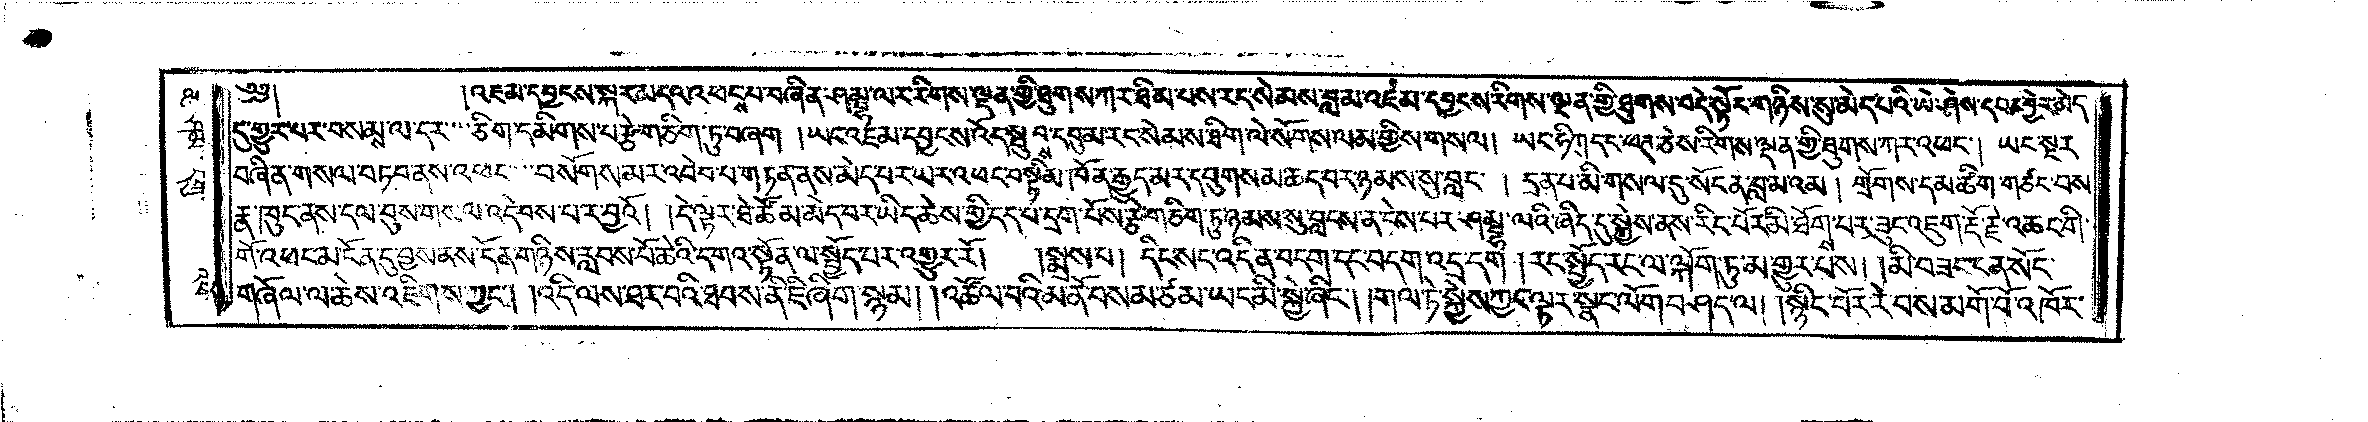༄༅། །འཇམ་དབྱངས་སྐར་མདའ་འཕངས་པ་བཞིན་ཤམྦྷ་ལར་རིགས་ལྡན་གྱི་ཐུགས་ཀར་ཐིམ་པས་རང་སེམས་བླ་མ་འཇམ་དབྱངས་རིགས་ལྡན་གྱི་ཐུགས་བདེ་སྟོང་གཉིས་སུ་མེད་པའི་ཡེ་ཤེས་དབང་བྱེར་མེད་
དུ་གྱུར་པར་བསམས་ལ་དར་ཅིག་དམིགས་བརྩེ་གཅིག་ཏུ་བཞག །ཡང་འཇམ་དབྱངས་འོད་སྦུབས་དབུ་མ་རང་སེམས་ཐིག་ལེ་སོགས་ལམ་གྱིས་གསལ། ཡང་ཧིཀ་དང་ཕཊ་ཅེས་རིགས་ལྡན་གྱི་ཐུགས་ཀར་འཕང་། ཡང་སྔར་
བཞིན་གསལ་བཏབ་ནས་འཕང་བ་སོགས་མར་འབེབ་པ་གཏན་ནས་མེད་པར་ཡར་འཕང་བསྟིམ་ཁོ་ན་རྒྱུད་མར་དབུགས་མ་ཆད་པར་ཉམས་སུ་བླང་། དྲན་པ་མི་གསལ་དུ་སོང་ན་བླ་མའམ། གྲོགས་དམ་ཚིག་གཙང་བས་
རྣ་ཁུང་ནས་དལ་བུས་གསལ་འདེབས་པར་བྱའོ། །དེ་ལྟར་ཐེ་ཚོམ་མེད་བར་ཡིད་ཆེས་གྱི་དད་པ་དྲག་པོས་རྩེ་གཅིག་ཏུ་ཉམས་སུ་བླངས་ན་ངེས་པར་ཤམྦྷ་ལའི་ཞིད་དུ་སྐྱེས་ནས་རིང་པོར་མི་ཐོགས་པར་ཟུང་འཇུག་རྡོ་རྗེ་འཆང་གི་
གོ་འཕང་མངོན་དུ་བྱས་ནས་དོན་གཉིས་རླབས་པོ་ཆེའི་དགའ་སྟོན་ལ་སྤྱོད་པར་འགྱུར་རོ། །སྨྲས་པ། དིང་སང་འདི་ན་བདག་དང་བདག་འདྲ་དག། རང་སྤྱོད་རང་ལ་ལྐོག་ཏུ་མ་གྱུར་པས། །མི་བཟང་ངན་སོང་
གཞོལ་ལ་ཆེས་འཇིགས་ཀྱང་། །འདི་ལས་ཐར་བའི་ཐབས་ནི་ཇི་ཞིག་སྙམ། །འཚོལ་བའི་མ་ནོ་བསམ་ཙམ་ཡང་མི་སྐྱེ་ཞིང་། །གལ་ཏེ་སྐྱེས་ཀྱང་ལྟར་སྣང་ལོག་བཤད་ལ། །སྙིང་པོར་རེ་བས་མགོ་བོ་འཁོར་